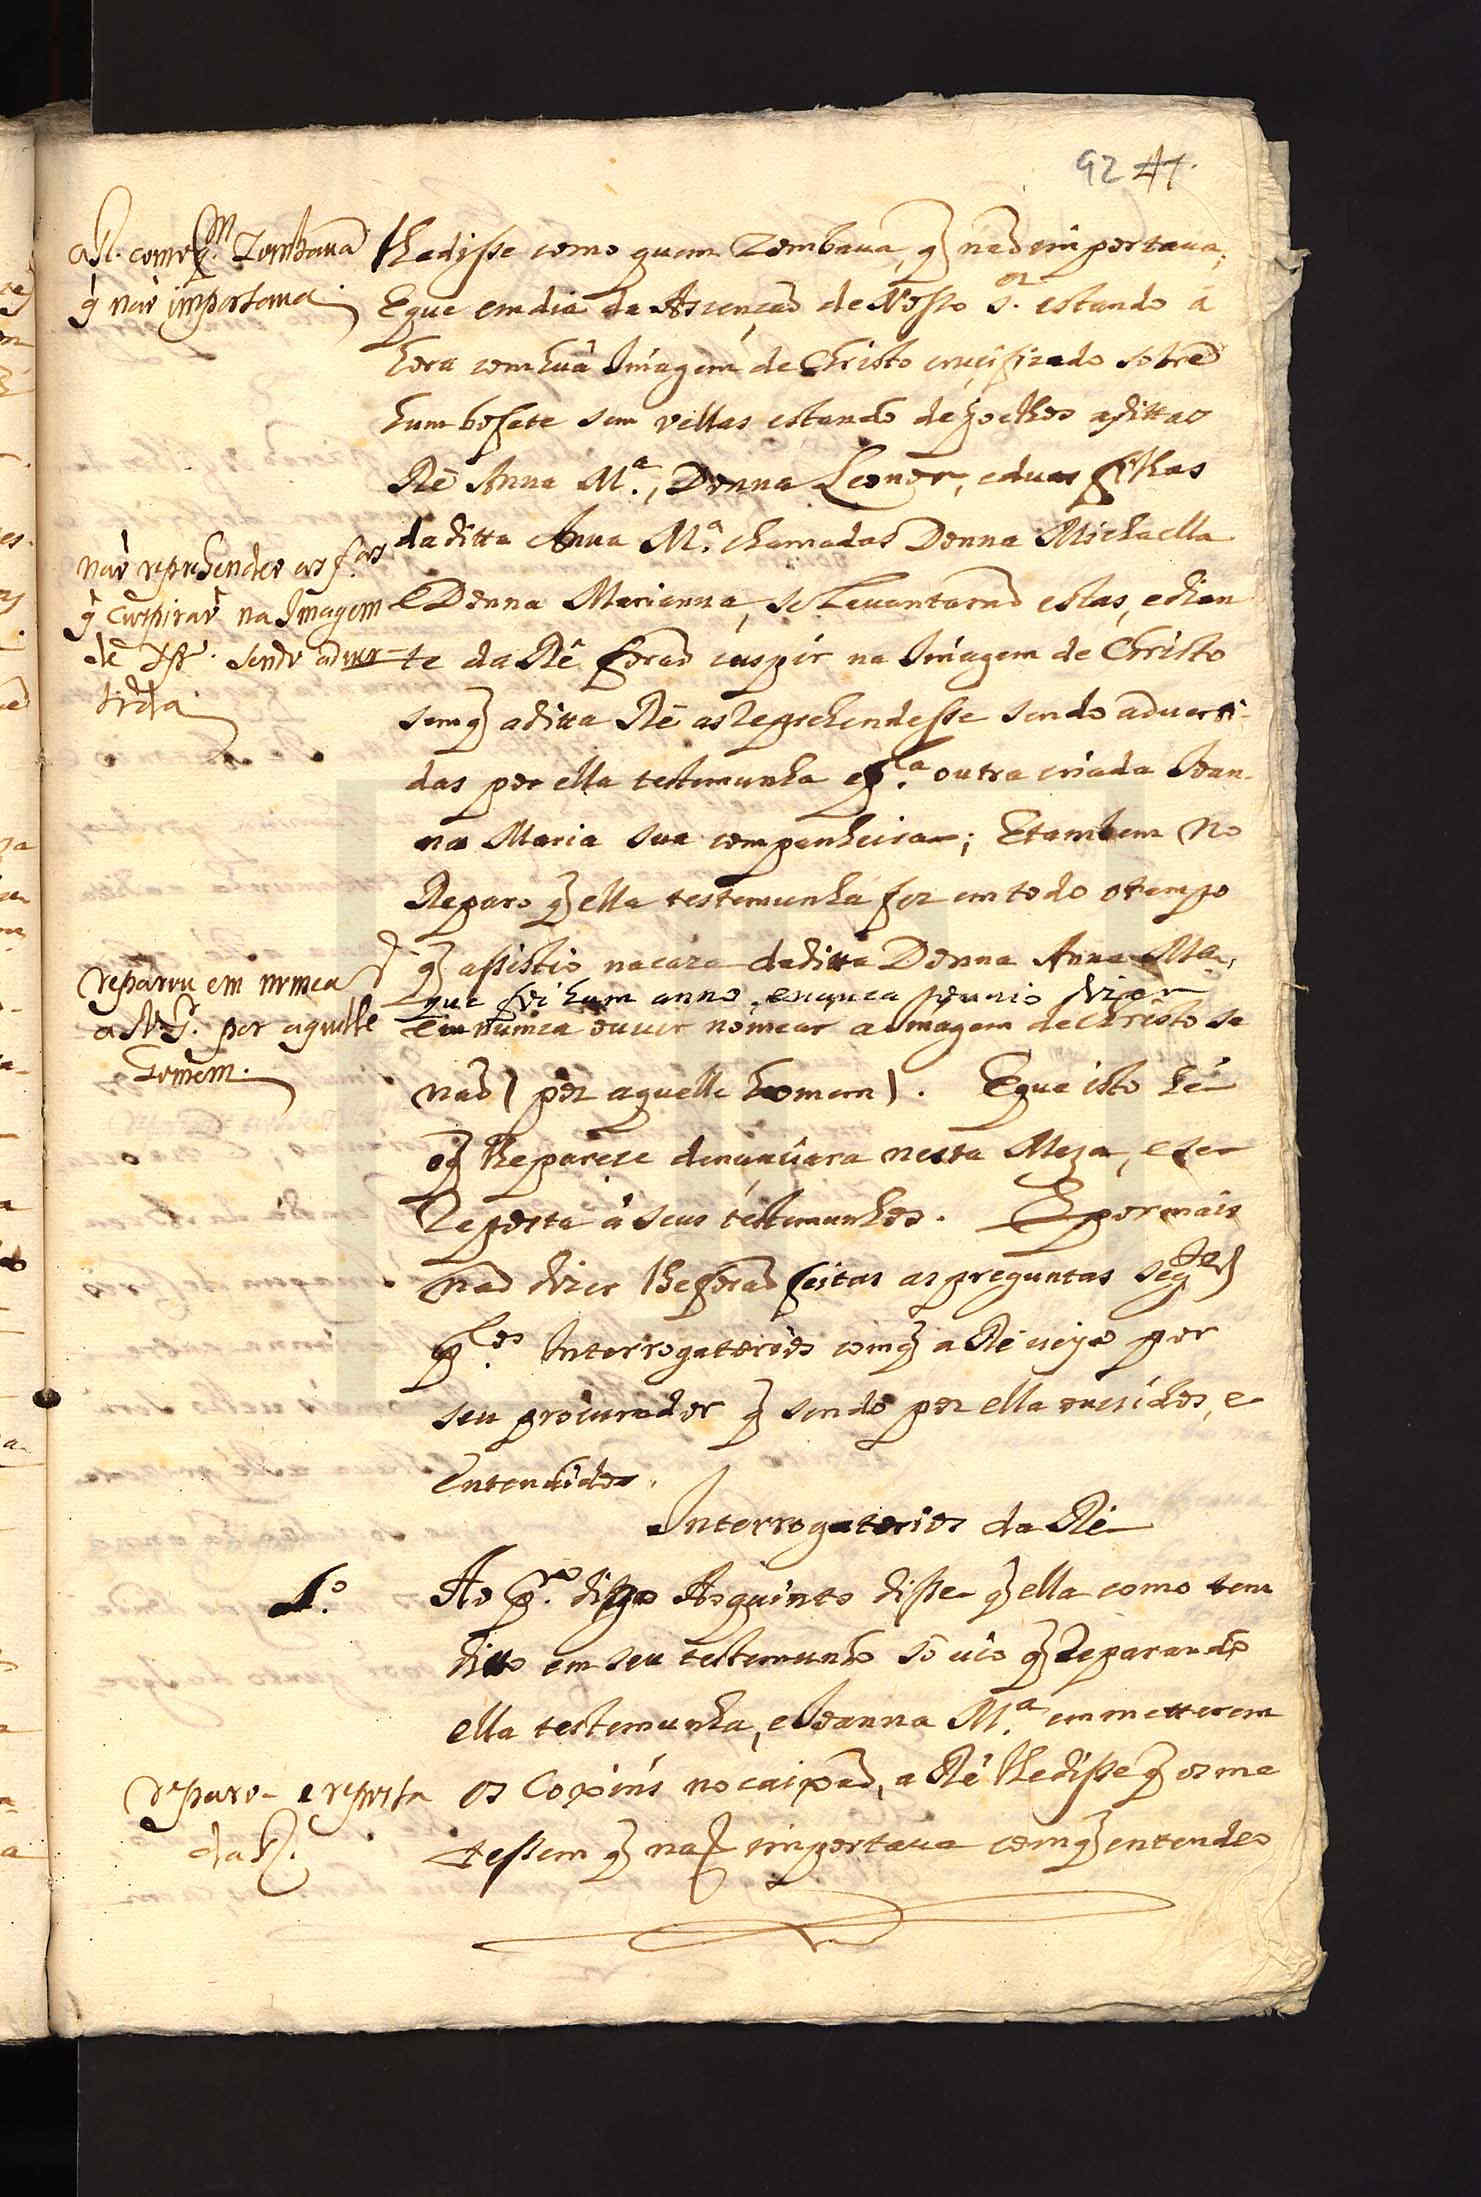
a R. como q.m zombaua
q̄ naõ importaua
naõ reprehendeo as f.as
q̄ cuspiraõ na Imagem
de xpo. sendo a aduer
tida
reparou em nomear
a N. Sr. por aquelle
homem
1.o
deparo e reposta
da R.
lhe disse como quem zombaua, q̄ naõ importaua,
E que em dia de Ascenção de Nosso S.or estando á
hora com huā Imagem de Christo crucificado sobre
hum bofete sem vellas estando de Joelhos as dittas
Ré Anna M.a, Donna Leonor, e duas filhas
da ditta Anna M.a chamadas Donna Michaella
e Donna Marianna, se Leuantaraõ estas, e dian
te da Ré forão cuspir na Imagem de Christo
sem q̄ a ditta Ré as Reprehendesse sendo aduerti
das por ella testemunha e p.la outra criada Ioan
na Maria sua companheira; E tambem no
Reparo q̄ ella testemunha fez em todo o tempo
q̄ assistio na caza da ditta Donna Anna Ma.
que foi hum anno, e nunca ouuio dizer
em numca ouuir nomear a Imagem de christo se
naõ (por aquelle homem). E que isto hé
o q̄ lhe parece denuncîara nesta Meza, e ser
Reposta à seus testemunhos. E por mais
naõ dizer lhe foraõ feitas as preguntas segtes
p.los Interrogatorios com q̄ a Ré ueyo por
seu procurador q̄ sendo por ella ouuidos, e
entendidos
Interrogatorios da Ré
Ao p.ro digo Ao quinto disse q̄ ella como tem
ditto em seu testemunho só uio q̄ Reparando
ella testemunha, e Ioanna M.a em metterem
os coxins no caixaõ, a Ré lhe disse q̄ os me
tessem q̄ naõ importaua com q̄ entendeo
